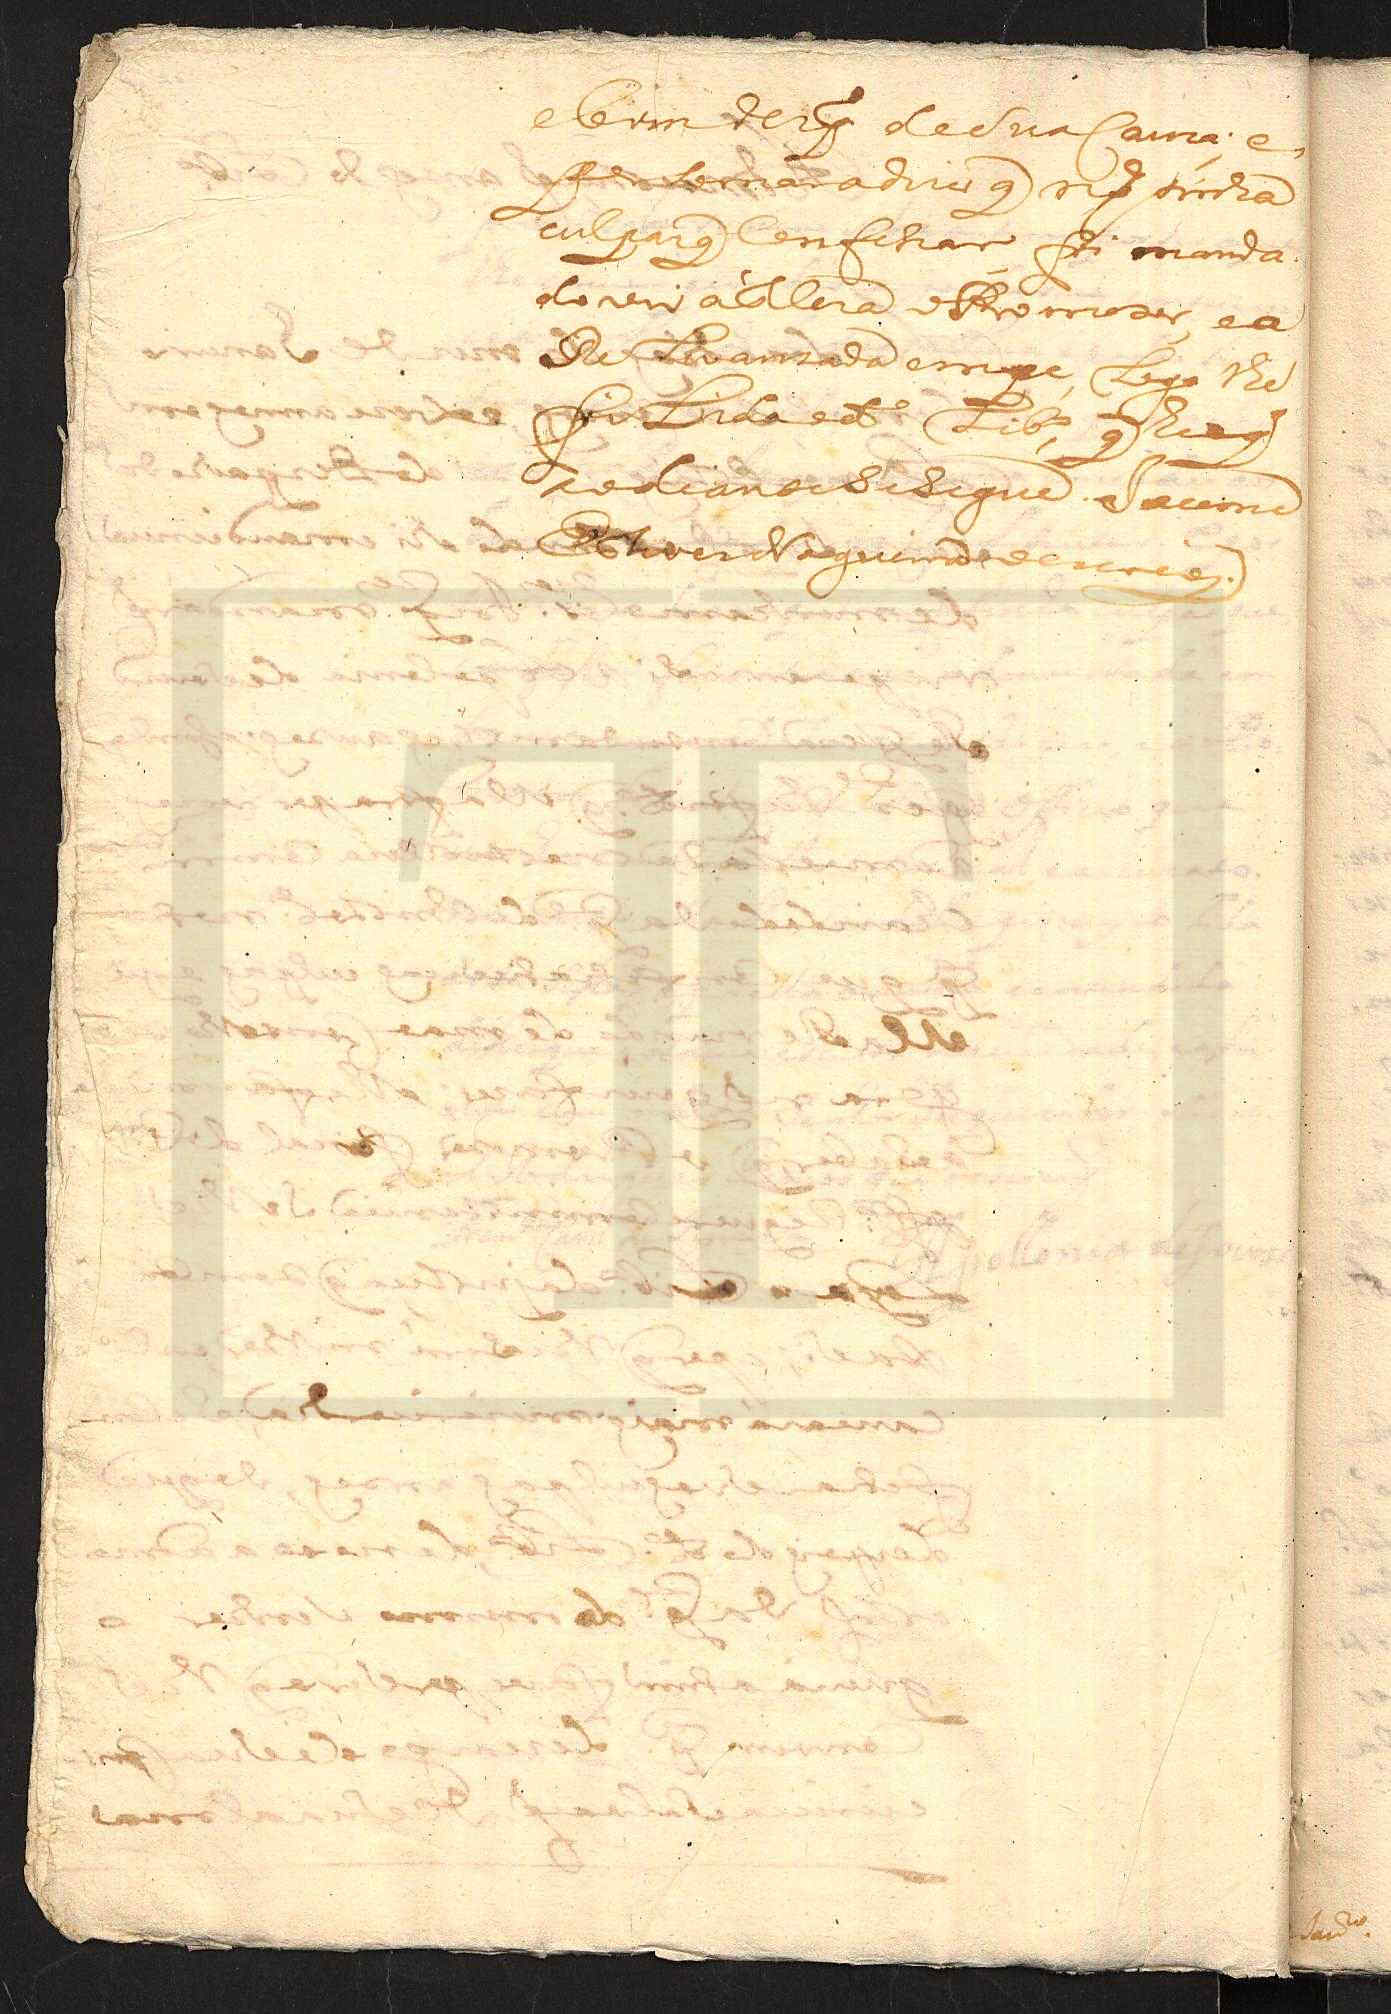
e bom desp.o de Sua Cauza; e
por tornar a dizer q̄ nā tinha
culpas q̄ Confessar, foi manda
do vir á Meza o Promotor, e a
Re Levantada em pe, Logo lhe
foi Lido o d̄o Libo, q̄ he o q̄
ao diante se segue Iacome
Esteves Nogueira o escrevj.
